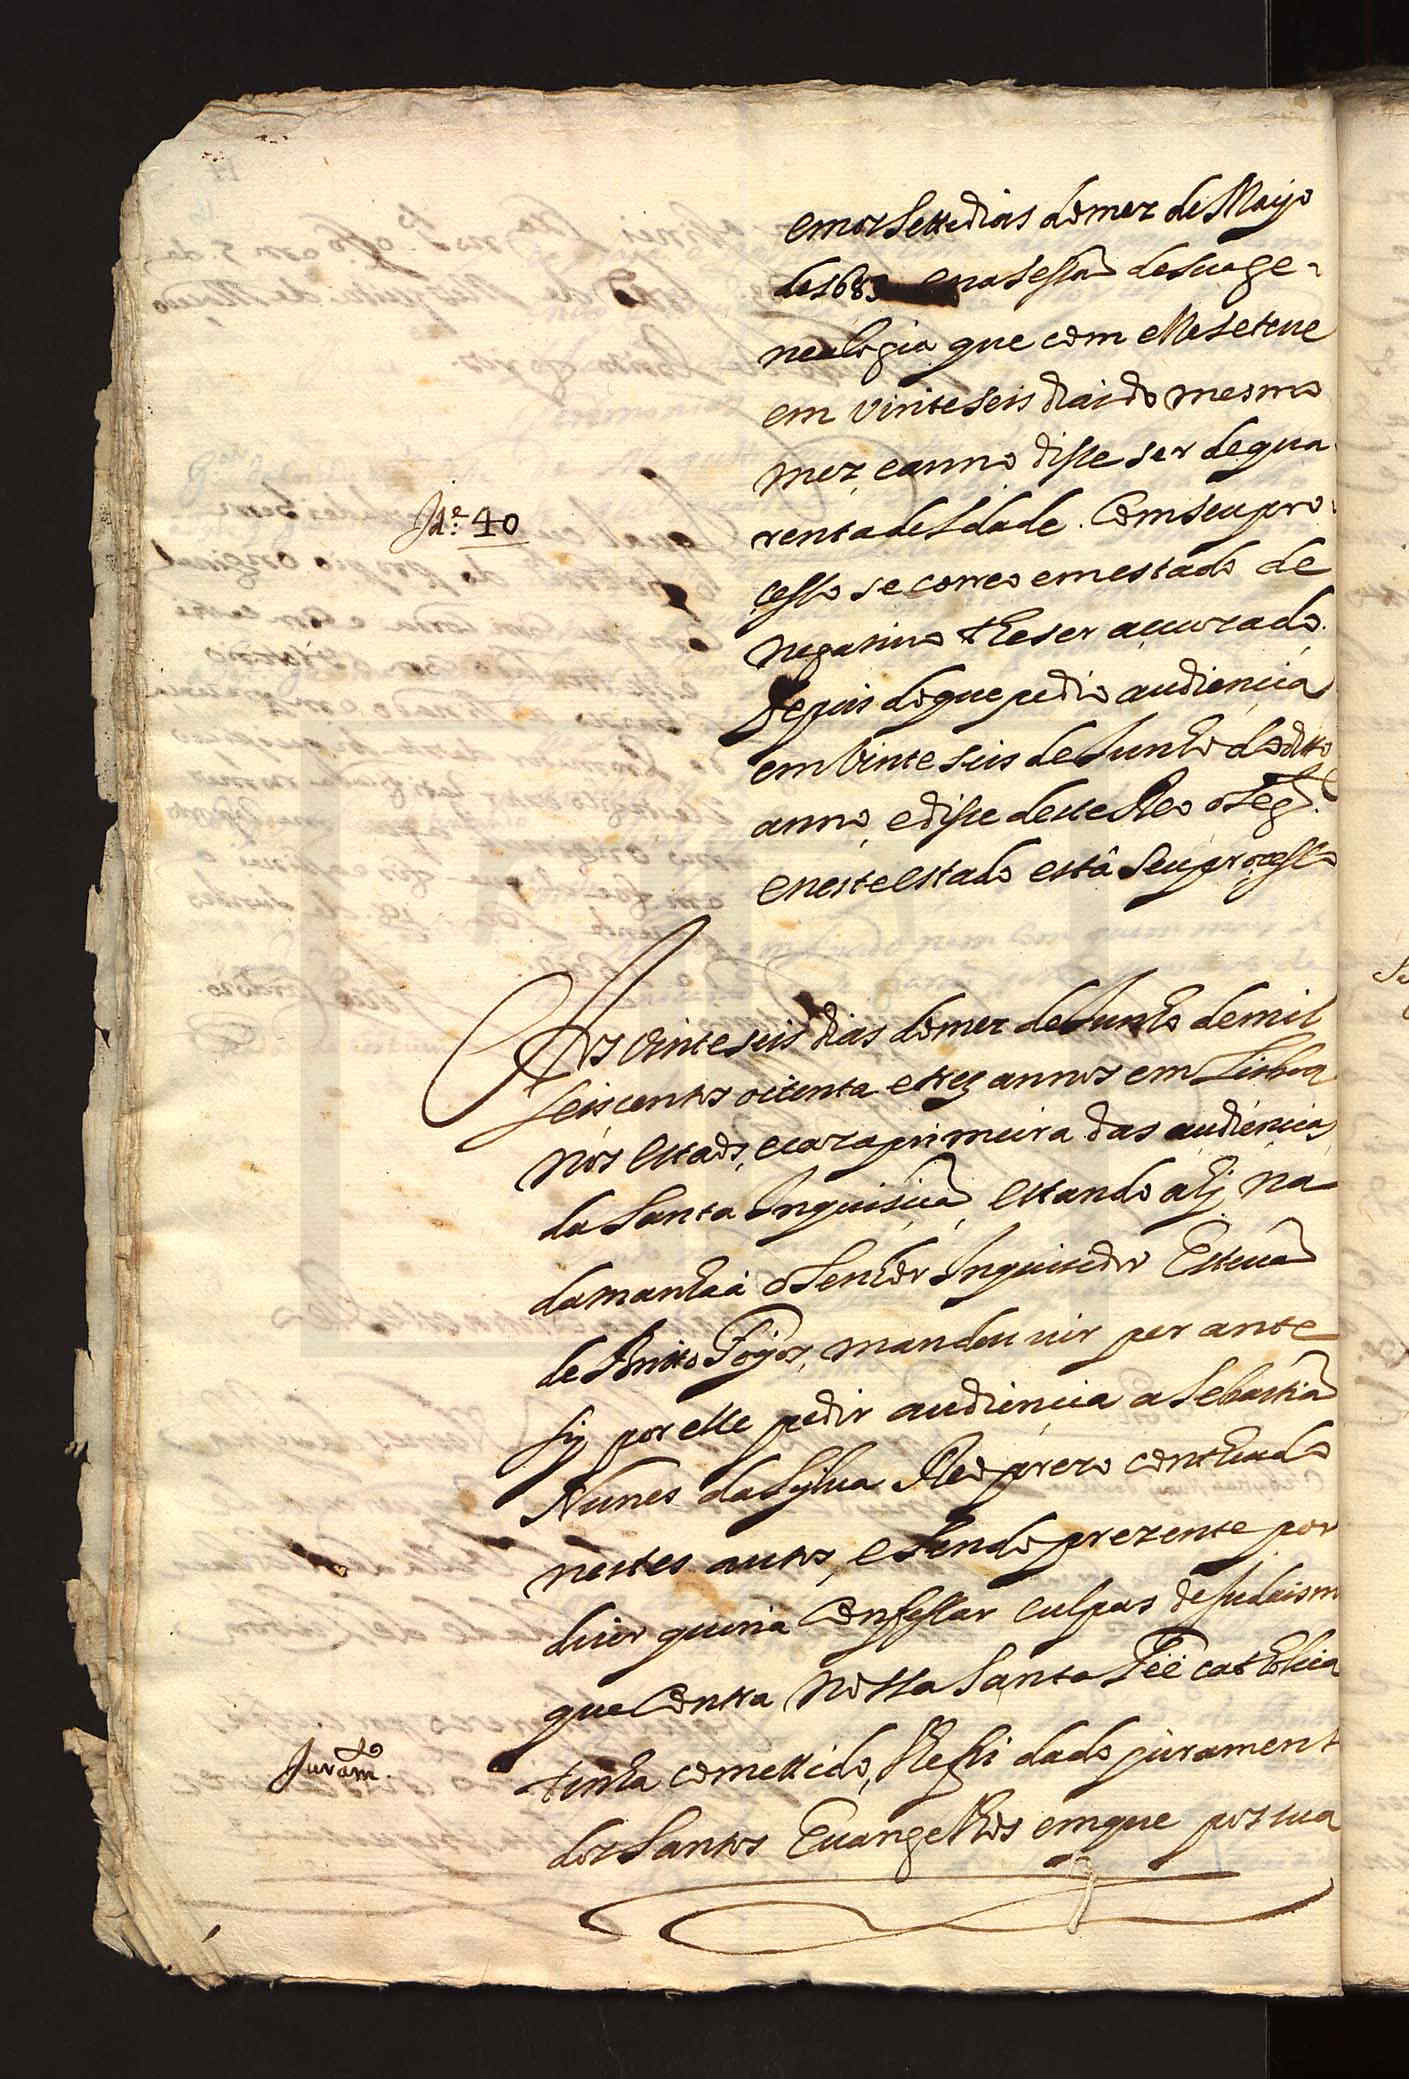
em os sette dias do mez de Mayo
de 1683 _ na sessão de sua ge
nealogia que com elle se teue
em vinte seis dias do mesmo
mez, e anno disse ser de qua
renta de Idade. Com seu pro
çesso se correo em estado de
negatiuo the ser accuzado,
depois do que pedio audiençia
em vinte seis de Junho do ditto
anno, e disse delle Reo o seg.te
e neste estado está seu proçesso
Aos vinte seis dias do mez de Junho de mil
seisçentos oitenta e trez annos em Lisboa
nos estaos, e caza primeira das audiençias
da Santa Inquisiçaõ, estando ahj na
da manhaã o Senhor Inquisidor Esteuão
de Britto Foyos, mandou uir perante
sy por elle pedir audiençia a Sebastiaõ
Nunes da Sylua Reo prezo contheudo
nestes autos, e sendo prezente por
dizer queria confessar culpas de Judaism_
que contra nossa Santa Fee catholica
tinha comettido, lhe foi dado jurament_
dos Santos Euangelhos em que pos sua
